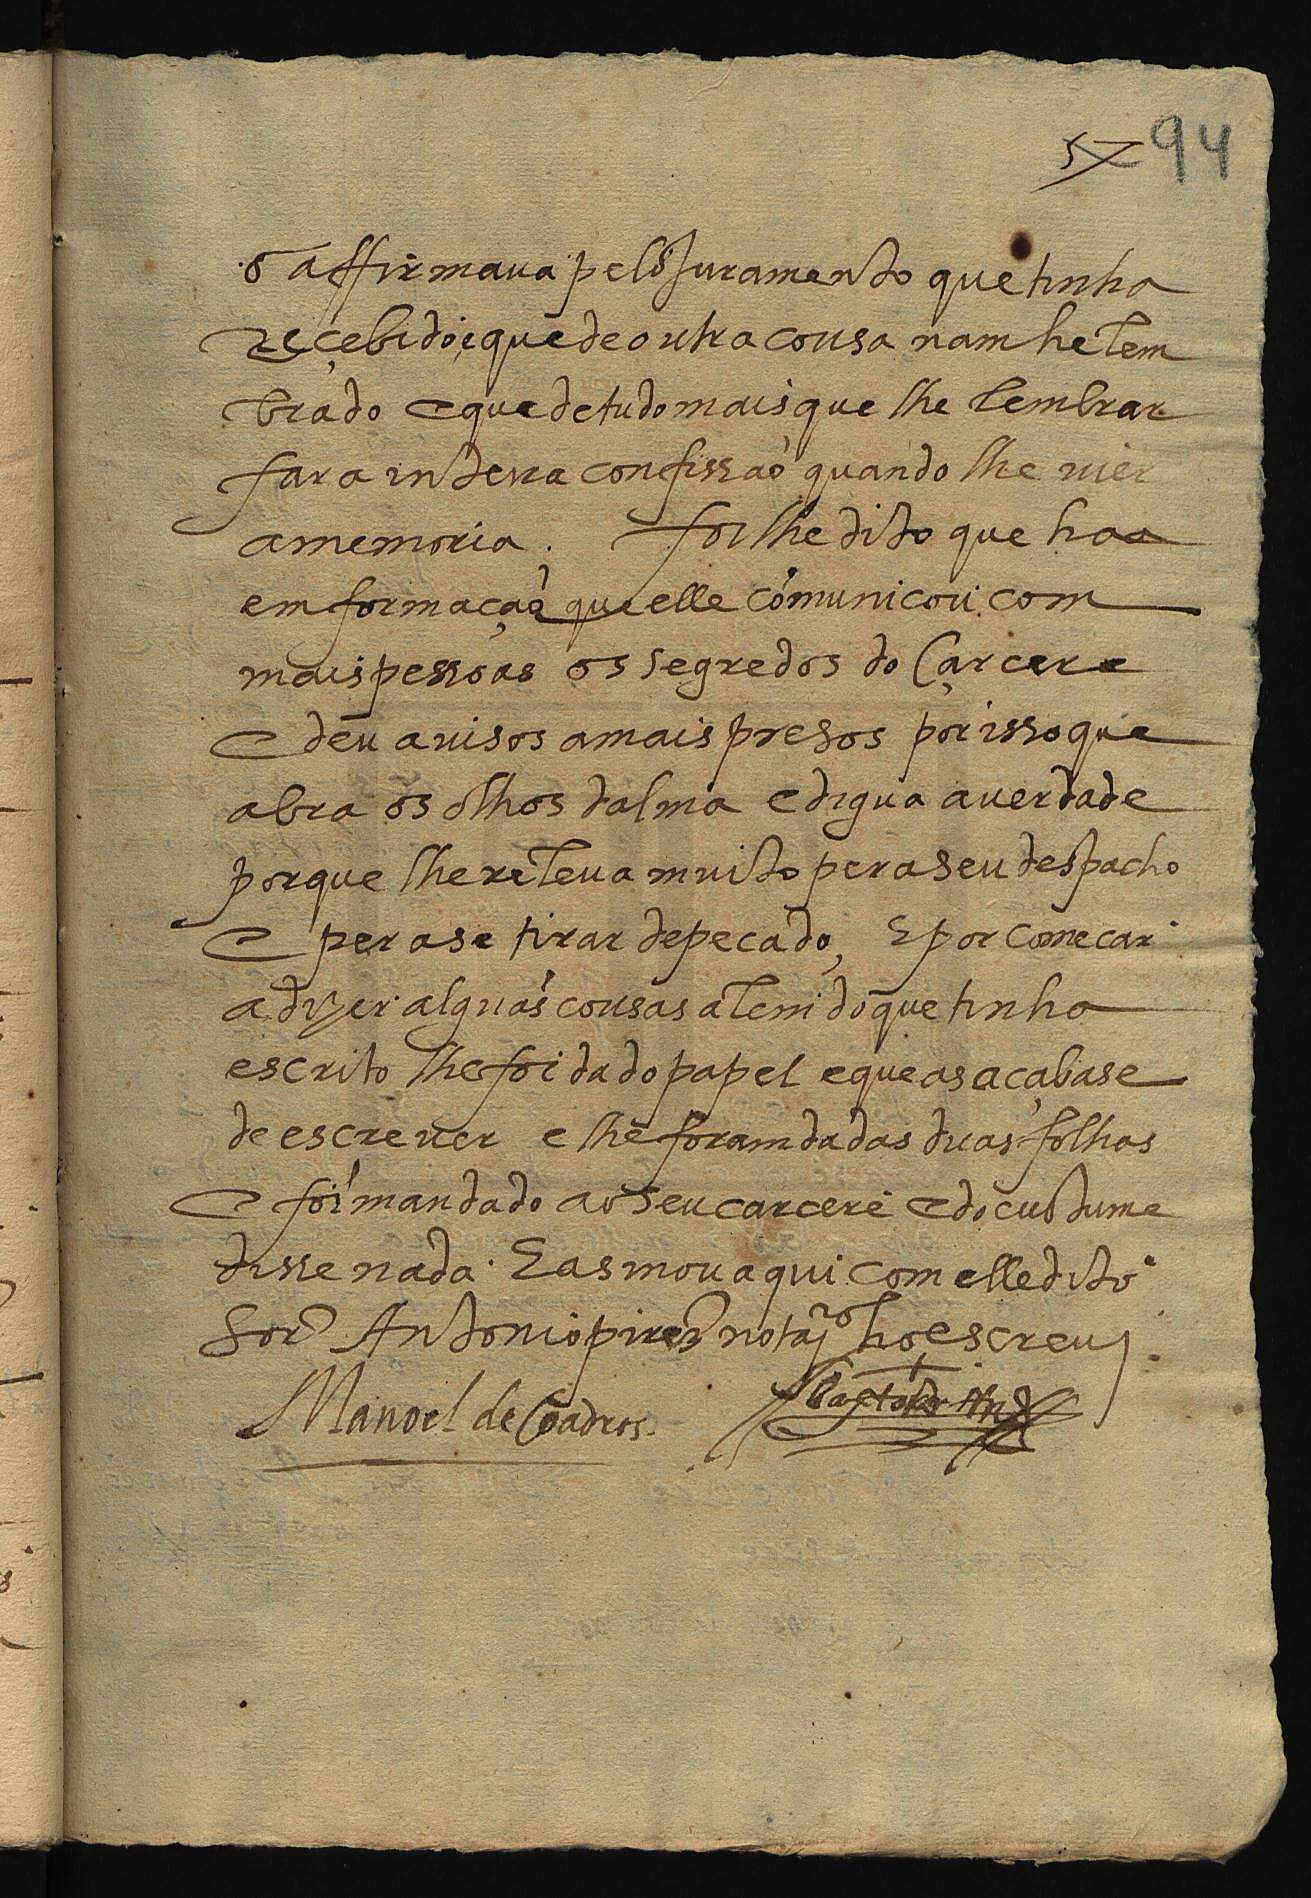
o affirmaua pelo Juramento que tinha
recebido, e que de outra cousa nam he lem
brado e que de tudo mais que lhe lembrar
fara inteira confissaõ quando lhe uier
a memoria. foilhe dito que haa
emformaçaõ que elle cōmunicou com
mais pessoas os segredos do Carcere
e deu auisos a mais presos por isso que
abra os olhos dalma e digua a uerdade
porque lhe releua muito pera seu despacho
e per asi tirar de pecado, E por começar
a dizer alguas̄ cousas alem do que tinha
escrito lhe foi dado papel e que as acabase
de escreuer e lhe foram dadas duas folhas
e foi mandado ao seu carcere e do custume
disse nada E asinou aqui com elle dito
sor̄ Antonio pirez̄ notajro ho escreuj
baltasar ffrz
Manoel de Coadros
